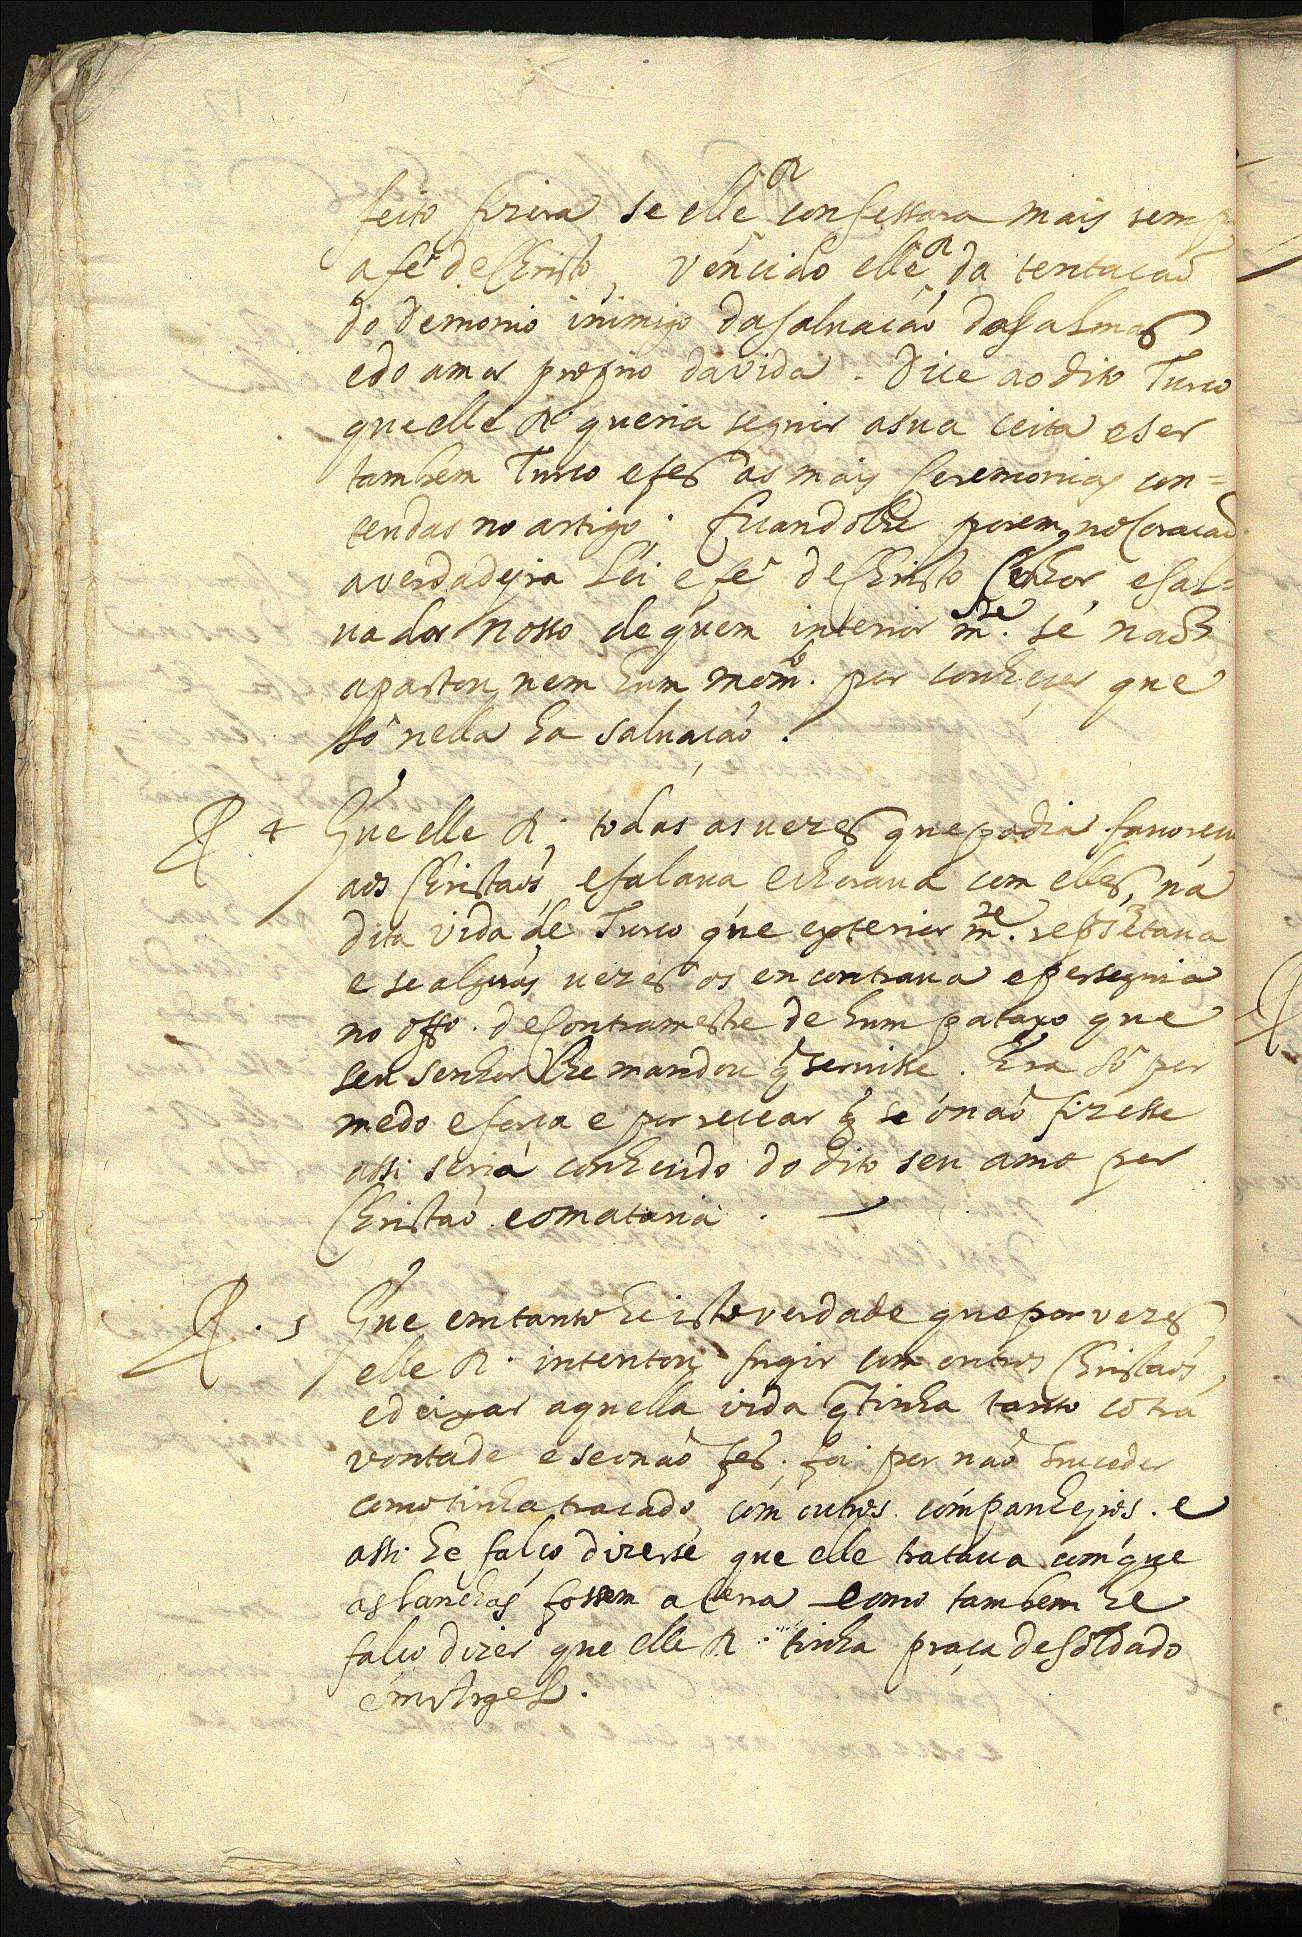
feito fizera se elle, R confessara mais semp
a fé de Christo, vencido elle, R da tentaçaõ
do demonio inimigo da saluaçaõ das almas
e do amor proprio da vida. Dice ao dito Turco
que elle R queria seguir a sua ceita e ser
tambem Turco e fes as mais Ceremonias con
teudas no artigo; ficandolhe porem no Coraçaõ
a verdadeira Lei e fé de Christo Senhor, e sal
uador nosso de quem interiorm.te se naõ
apartou nem hum momto. por conhecer que
só nella ha saluaçaõ.
ꝓ 4 Que elle R. todas as uezes que podia fauorece
aos Christaõs, e falaua e choraua com elles, na
dita vida de Turco que exteriorm.te se p̄sētaua
e se alguās uezes os encontraua e perseguia
no offo. de Contramestre de hum pataxo que
seu senhor lhe mandou q̄ seruisse. Era só per
medo e força e por recear q̄ se o naõ fizesse
assi seria conhecido do dito seu amo per
Christaõ e o mataria
ꝓ. 5 Que em tanto he isto verdade que por vezes
elle R. intentou fugir com outros Christaõs
e deixar aquella vida q̄ tinha tanto cōtra
vontade e se o naõ fes; foi per naõ succeder
como tinha tracado, com outros companhejros; e
assi he falço dizerse que elle trataua com que
as lanchas fossem a terra como tambem he
falço dizer que elle R. tinha praça de soldado
em ArgeL.
